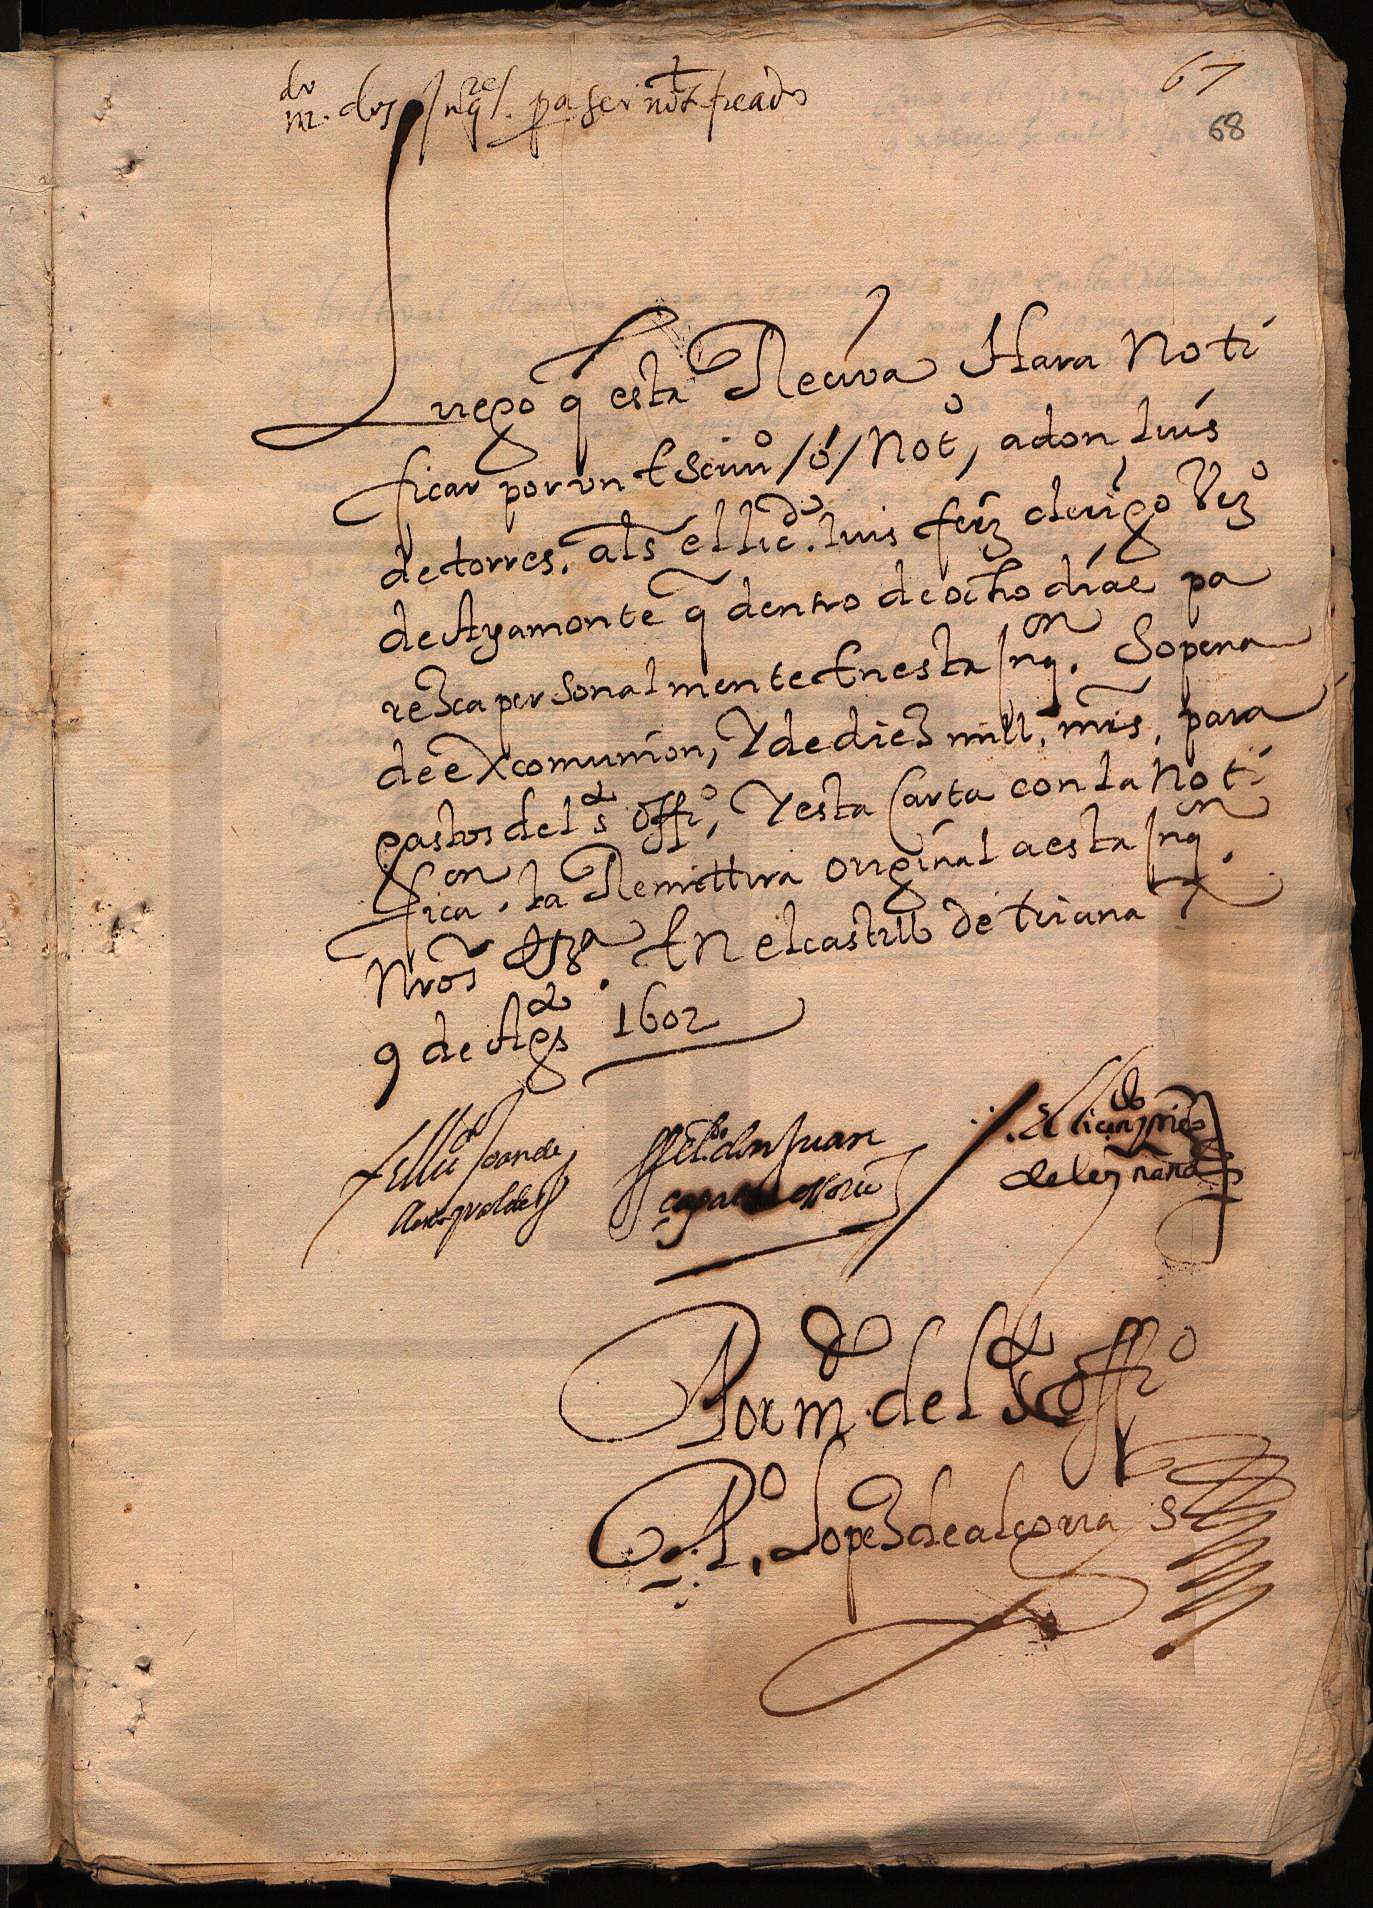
67
m.do dos Jnqres. ꝑa ser noteficado
Luego q̄ esta Reciva Hara noti
ficar por un Escriuo / ó / Noto, a don luis
de torres āls el licdo luis ferz̄ clerigo Vezo
de Ayamonte q̄ dentro de ocho dias pa
rezca personalmente En esta Jnq.on So pena
de excomunion, Y de diez mill, m̄rs, para
gastos del sto offio, Y esta Carta con la noti
ficaon. la Remittira original a esta Jnqon
Nros̄ &a En el castillo de triana
9 de Agsto 1602
El licdo Joan de
llano y valdes
e l.do don Juan
çapata ossorio
El licendo jñigo
de lej̄nana
Por m.do del sto offio
P.o Lopez de alegria
